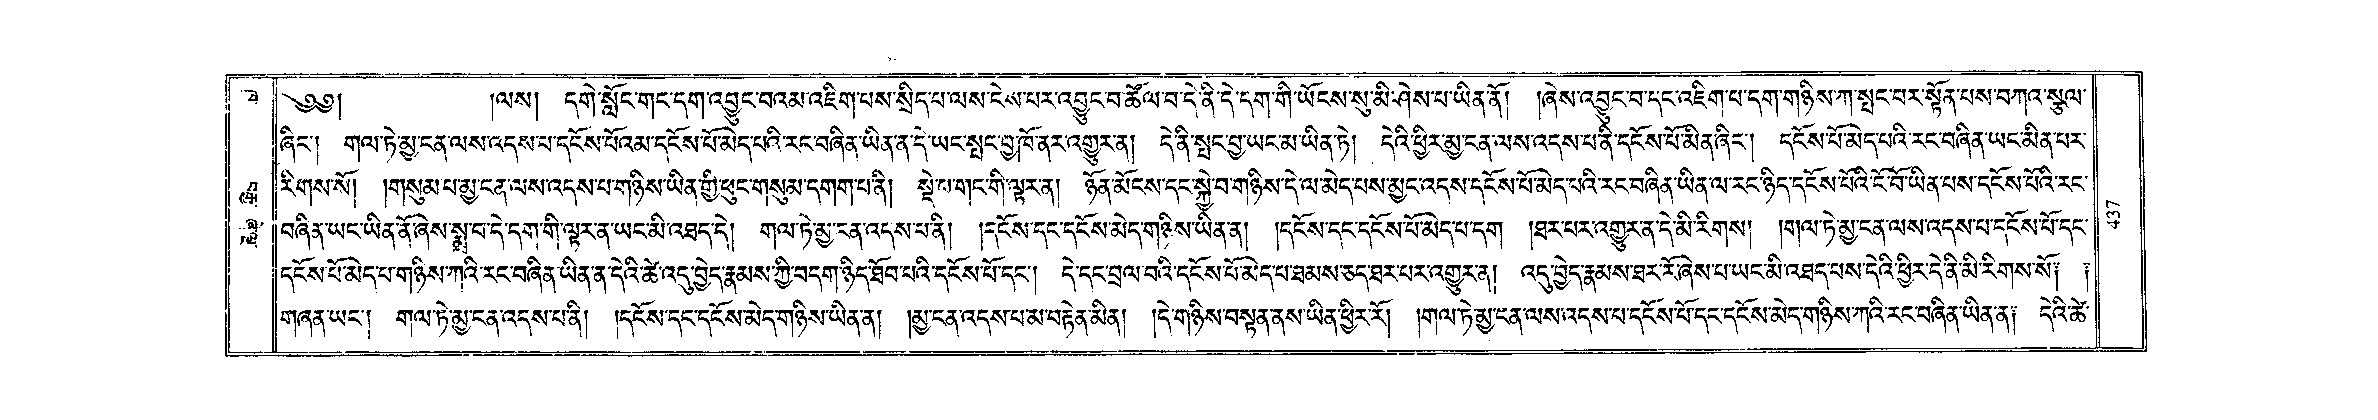༄༅། །ལས། དགེ་སློང་གང་དག་འབྱུང་བའམ་འཇིག་པས་སྲིད་པ་ལས་ངེས་པར་འབྱུང་བ་ཚོལ་བ་དེ་ནི་དེ་དག་གི་ཡོངས་སུ་མི་ཤེས་པ་ཡིན་ནོ། །ཞེས་འབྱུང་བ་དང་འཇིག་པ་དག་གཉིས་ཀ་སྤང་བར་སྟོན་པས་བཀའ་སྩལ་
ཞིང་། གལ་ཏེ་མྱ་ངན་ལས་འདས་པ་དངོས་པོའམ་དངོས་པོ་མེད་པའི་རང་བཞིན་ཡིན་ན་དེ་ཡང་སྤང་བྱ་ཁོ་ནར་འགྱུར་ན། དེ་ནི་སྤང་བྱ་ཡང་མ་ཡིན་ཏེ། དེའི་ཕྱིར་མྱ་ངན་ལས་འདས་པ་ནི་དངོས་པོ་མིན་ཞིང་། དངོས་པོ་མེད་པའི་རང་བཞིན་ཡང་མིན་པར་
རིགས་སོ། །གསུམ་པ་མྱ་ངན་ལས་འདས་པ་གཉིས་ཡིན་གྱི་ཕུང་གསུམ་དགག་པ་ནི། སྡེ་པ་གང་གི་ལྟར་ན། ཉོན་མོངས་དང་སྐྱེ་བ་གཉིས་དེ་ལ་མེད་པས་མྱང་འདས་དངོས་པོ་མེད་པའི་རང་བཞིན་ཡིན་ལ་རང་ཉིད་དངོས་པོའི་ངོ་བོ་ཡིན་པས་དངོས་པོའི་རང་
བཞིན་ཡང་ཡིན་ནོ་ཞེས་སྨྲ་བ་དེ་དག་གི་ལྟར་ན་ཡང་མི་འཐད་དེ། གལ་ཏེ་མྱ་ངན་འདས་པ་ནི། །དངོས་དང་དངོས་མེད་གཉིས་ཡིན་ན། །དངོས་དང་དངོས་པོ་མེད་པ་དག །ཐར་པར་འགྱུར་ན་དེ་མི་རིགས། །གལ་ཏེ་མྱ་ངན་ལས་འདས་པ་དངོས་པོ་དང་
དངོས་པོ་མེད་པ་གཉིས་ཀའི་རང་བཞིན་ཡིན་ན་དེའི་ཚེ་འདུ་བྱེད་རྣམས་ཀྱི་བདག་ཉིད་ཐོབ་པའི་དངོས་པོ་དང་། དེ་དང་བྲལ་བའི་དངོས་པོ་མེད་པ་ཐམས་ཅད་ཐར་པར་འགྱུར་ན། འདུ་བྱེད་རྣམས་ཐར་རོ་ཞེས་པ་ཡང་མི་འཐད་པས་དེའི་ཕྱིར་དེ་ནི་མི་རིགས་སོ༑ ༑
གཞན་ཡང་། གལ་ཏེ་མྱ་ངན་འདས་པ་ནི། །དངོས་དང་དངོས་མེད་གཉིས་ཡིན་ན། །མྱ་ངན་འདས་པ་མ་བརྟེན་མིན། །དེ་གཉིས་བསྟན་ནས་ཡིན་ཕྱིར་རོ། །གལ་ཏེ་མྱ་ངན་ལས་འདས་པ་དངོས་པོ་དང་དངོས་མེད་གཉིས་ཀའི་རང་བཞིན་ཡིན་ན། དེའི་ཚེ་